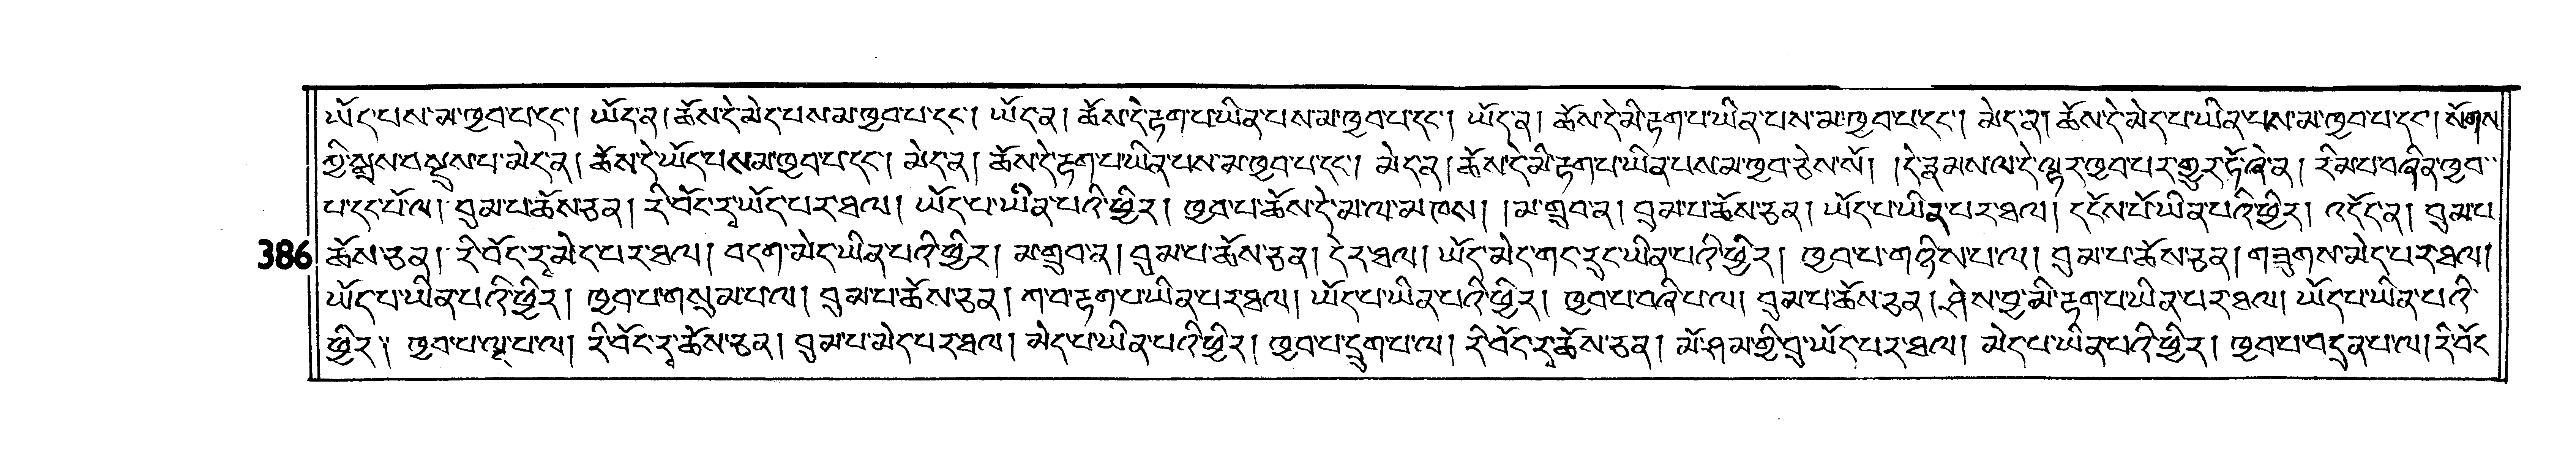ཡོད་པས་མ་ཁྱབ་པ་དང་། ཡོད་ན། ཆོས་དེ་མེད་པས་མ་ཁྱབ་པ་དང་། ཡོད་ན། ཆོས་དེ་རྟག་པ་ཡིན་པས་མ་ཁྱབ་པ་དང་། ཆོས་དེ་མི་རྟག་པ་ཡིན་པས་མ་ཁྱབ་པ་དང་། མེད་ན། ཆོས་དེ་མེད་པ་ཡིན་པས་མ་ཁྱབ་པ་དང་། སོགས་
ཀྱི་སྒྲ་བསྡུས་པ་མེད་ན། ཆོས་དེ་ཡོད་པས་མ་ཁྱབ་པ་དང་། མེད་ན། ཆོས་དེ་རྟག་ཡིན་པས་མ་ཁྱབ་པ་དང་། མེད་ན། ཆོས་དེ་མི་རྟག་པ་ཡིན་པས་མ་ཁྱབ་ཅེས་སོ། །དེ་རྣམས་ལ་དེ་ལྟར་ཁྱབ་པར་གྱུར་ཏོ་ཞེ་ན། རིམ་པ་བཞིན་ཁྱབ་
པ་དང་པོ་ལ། བུམ་པ་ཆོས་ཅན། རི་བོང་རྭ་ཡོད་པར་ཐལ། ཡོད་པ་ཡིན་པའི་ཕྱིར། ཁྱབ་པ་ཆོས་དེ་མ་ལ་མཁས། མ་གྲུབ་ན། བུམ་པ་ཆོས་ཅན། ཡོད་པ་ཡིན་པར་ཐལ། དངོས་པོ་ཡིན་པའི་ཕྱིར། འདོད་ན། བུམ་པ་
ཆོས་ཅན། རི་བོང་རྭ་མེད་པར་ཐལ། བདག་མེད་ཡིན་པའི་ཕྱིར། མ་གྲུབ་ན། བུམ་པ་ཆོས་ཅན། དེར་ཐལ། ཡོད་མེད་གང་རུང་ཡིན་པའི་ཕྱིར། ཁྱབ་པ་གཉིས་པ་ལ། བུམ་པ་ཆོས་ཅན། གཟུགས་མེད་པར་ཐལ།
ཡོད་པ་ཡིན་པའི་ཕྱིར། ཁྱབ་པ་གསུམ་པ་ལ། བུམ་པ་ཆོས་ཅན། ཀ་བ་རྟག་པ་ཡིན་པར་ཐལ། ཡོད་པ་ཡིན་པའི་ཕྱིར། ཁྱབ་པ་བཞི་པ་ལ། བུམ་པ་ཆོས་ཅན། ཤེས་བྱ་མི་རྟག་པ་ཡིན་པར་ཐལ། ཡོད་པ་ཡིན་པའི་
ཕྱིར༑ ཁྱབ་པ་ལྔ་པ་ལ། རི་བོང་རྭ་ཆོས་ཅན། བུམ་པ་མེད་པར་ཐལ། མེད་པ་ཡིན་པའི་ཕྱིར། ཁྱབ་པ་དྲུག་པ་ལ། རི་བོང་རྭ་ཆོས་ཅན། མོ་ཤམ་གྱི་བུ་ཡོད་པར་ཐལ། མེད་པ་ཡིན་པའི་ཕྱིར། ཁྱབ་པ་བདུན་པ་ལ། རི་བོང་